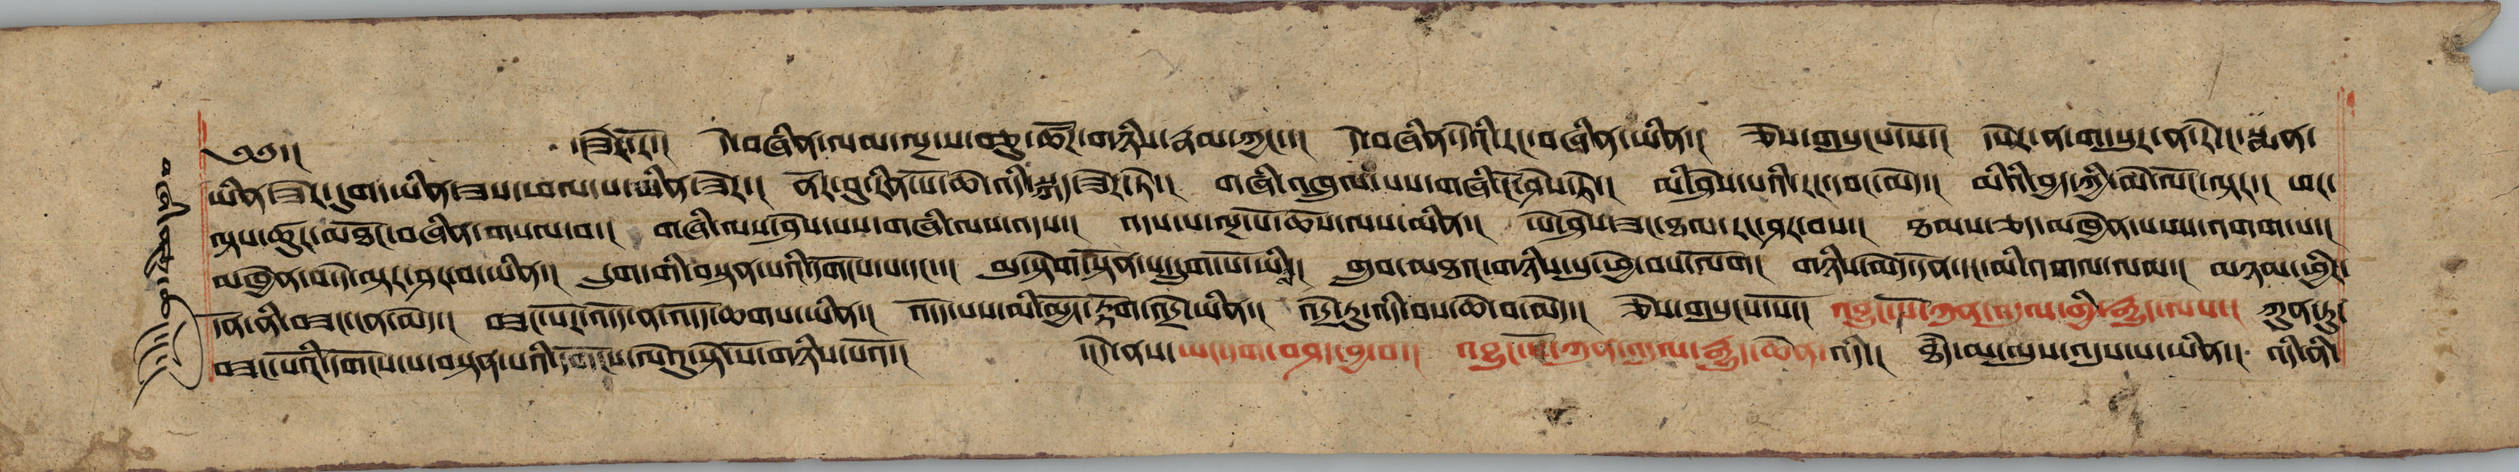༄༅་། ་།ཟེར་རོ་། དེ་བཞིན་ལམ་ལྔ་ས་བཅུ་ཚོཌ་གཉིས་རྣམ་ཀྱང་་། དེ་བཞིན་དེའི་རང་བཞིན་ཡིན་། ཅེས་གསུངས་སོ་། དཔེར་ན་ག་པུར་ན་རེ་ང་སྨན་
ཡིན་ཟེར་དུག་ཡིན་ཟས་ཕལ་པ་ཡིན་ཟེར་། ནོར་བུ་རིན་པོ་ཆེ་འདི་སྐད་ཟེར་ཏེ་། གཞི་འཁྲུལ་པས་གཞི་ངོ་ཤེས་ཏེ་། མི་ཤེས་པའི་རང་དབང་མེད་། མིའི་བྱད་ཀྱི་མེ་ལོང་ལྟར་། ཕར་
ལྟས་ཚུར་མཐོང་བཞིན་གསལ་བ་། གཞི་ལས་ཤེས་པས་གཞི་ལས་འདས་། འདས་པ་ལྔ་པོ་ཆོས་ལས་མིན་། ཡེ་ཤེས་ཟང་ཐལ་རང་ཤར་བས་། ཐམས་ཅད་མཁྱེན་པ་མ་འགག་པ་།
མཁྱེན་པ་དེ་ལྟར་ཤར་བ་ཡིན་། དྲུག་གི་བསྟན་པའི་དགོངས་པ་དང་་། མུ་སྟེག་སྟོན་པ་དྲུག་པོ་ཡིས་། གྲུབ་མཐའ་གཉིས་སུ་ཕྱེ་བས་ལོག། གཉིས་མེད་དོན་དང་མི་འགལ་ལམ་། མཉམ་ཕྱིར་
དོན་ནི་བཟང་ངན་མེད་། བཟང་པོར་འདོད་ན་འདོད་ཆགས་ཡིན་། འདོད་པས་མི་མྱོང་རྟོག་འདྲེ་ཡིན་། འདྲེ་རུ་འདི་བས་ཆེ་བ་མེད་། ཅེས་གསུངས་སོ་། འབྱུང་པོ་ཀུན་འདུལ་གྱི་རྒྱུད་ལས་། ཀུན་ཏུ་
བཟང་པོའི་དགོངས་པ་བསྟན་པའི་དགོངས་ལེའུ་སྟེ་སོ་གཉིས་པའོ་། ་།དེ་ནས་ཡང་དག་བཤད་བྱ་བ་། འབྱུང་པོ་ཀུན་འདུལ་རྒྱུད་ཆེན་འདི་། ཐཾད་མ་ལུས་འདུས་པ་ཡིན་། འདི་ནི་